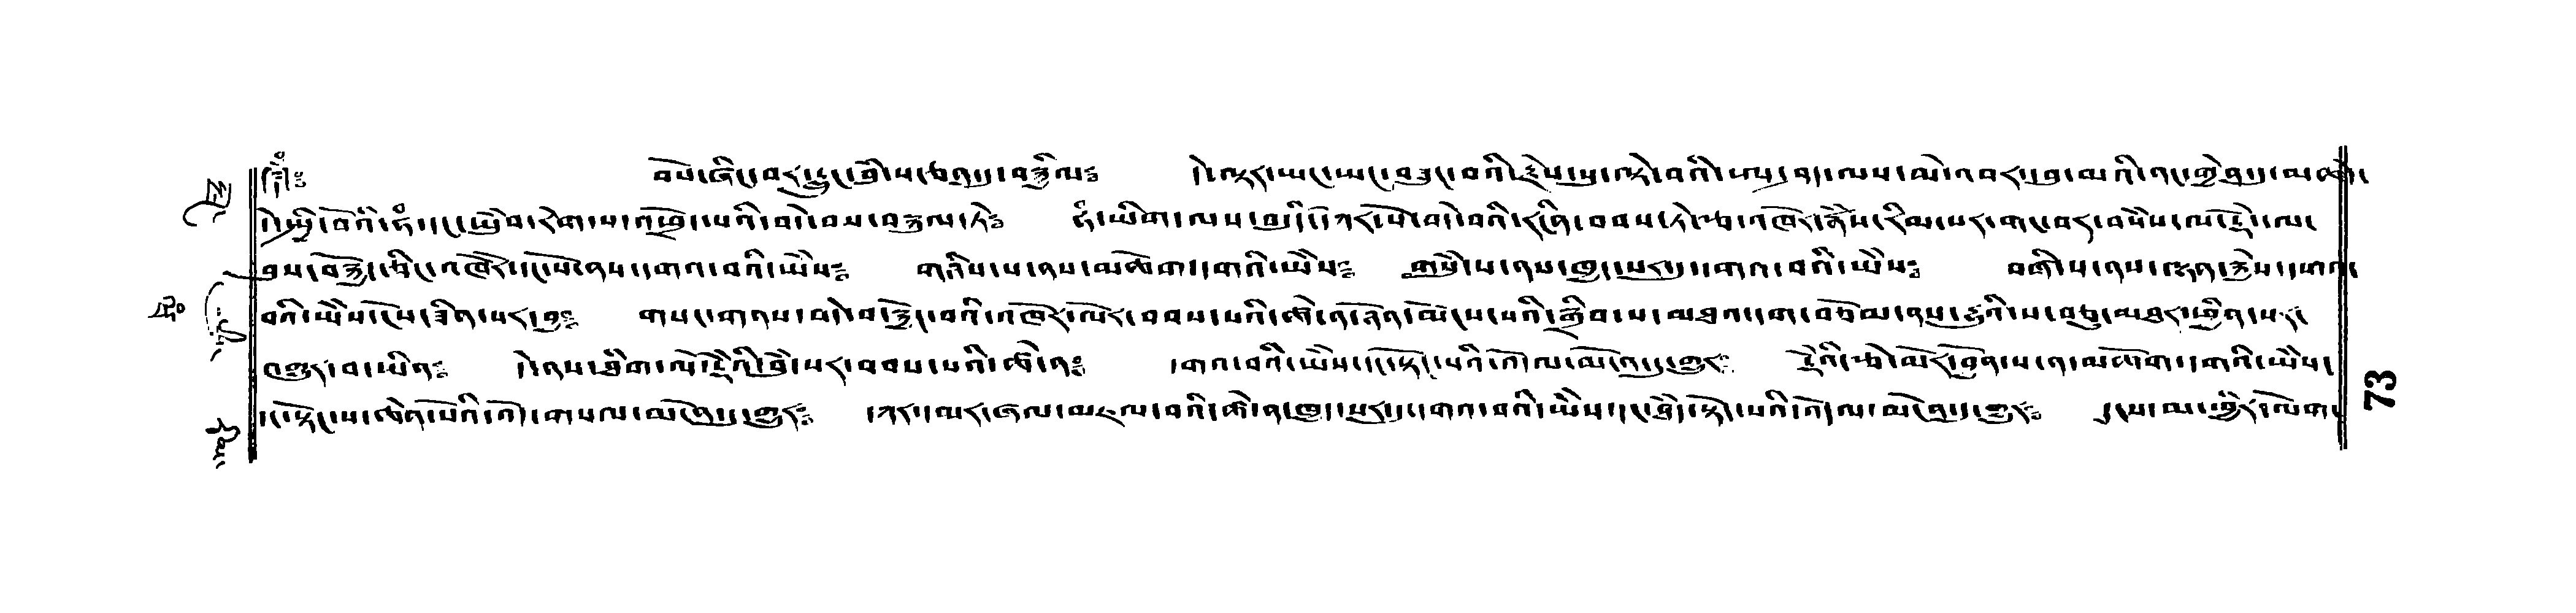གསོ་ཞིང་བར་རླུང་བུམ་པ་ཅན་དུ་བསྐྱིལ༔ དེ་ལྟར་ཡང་ཡང་བཟུང་བའི་རྗེས་སུ་ལྟེ་བའི་ཨ་ཤད་ལས་མེ་འབར་དབུ་མའི་ནང་གྱེན་དུ་མཆེད་
དེ་སྤྱི་བོའི་ཧཾ་དང་ཡབ་ཡུམ་རེག་པ་འཕྲོད་པའི་བདེ་བས་བསྐུལ་ཏེ༔ ཧཾ་ཡིག་ལས་བདུད་རྩི་དཀར་པོ་བདེ་བའི་རང་བཞིན་བབས་ཏེ་རྩ་འཁོར་རྣམས་རིམ་པར་གང་བར་བསམ་ལ་རྡོ་རྗེ་དལ་
བུས་བསྐྱོད་ཅིང་འཁོར་ལོ་དང་པོ་ནས་དགའ་བའི་ཡེ་ཤེས༔ གཉིས་པ་ནས་མཆོག་དགའི་ཡེ་ཤེས༔ གསུམ་པ་ནས་ཁྱད་པར་དུ་དགའ་བའི་ཡེ་ཤེས༔ བཞི་པ་ནས་ལྷན་སྐྱེས་དགའ་
བའི་ཡེ་ཤེས་ངོས་ཟིན་པར་བྱ༔ གསང་གནས་བདེ་བ་སྐྱོང་བའི་འཁོར་ལོར་བབས་པའི་ཚེ་ན་ཉོན་མོངས་པའི་སྒྲིབ་པ་མཐའ་དག་བཅོམ་ནས་རྒྱུའི་ས་བཅུ་མཐར་ཕྱིན་པར་
འགྱུར་བ་ཡིན༔དེ་ནས་ཐིག་ལེ་རྡོ་རྗེའི་བུམ་པར་བབས་པའི་ཚེ་ན༔ དགའ་བའི་ཡེ་ཤེས་དང་སྟོང་པའི་འོད་གསལ་མངོན་དུ་གྱུར༔ རྡོ་རྗེའི་རྩེ་མོར་བྱོན་པ་ན་མཆོག་དགའི་ཡེ་ཤེས་
དང་སྟོང་པ་ཆེན་པོའི་འོད་གསལ་མངོན་དུ་གྱུར༔ དཀར་དམར་ཞལ་མཇལ་བའི་ཚེ་ན་ཁྱད་པར་དུ་དགའ་བའི་ཡེ་ཤེས་དང་ཐམས་ཅད་སྟོང་པའི་འོད་གསལ་མངོན་དུ་གྱུར༔ དྭངས་མ་ཕྱིར་ལོག་